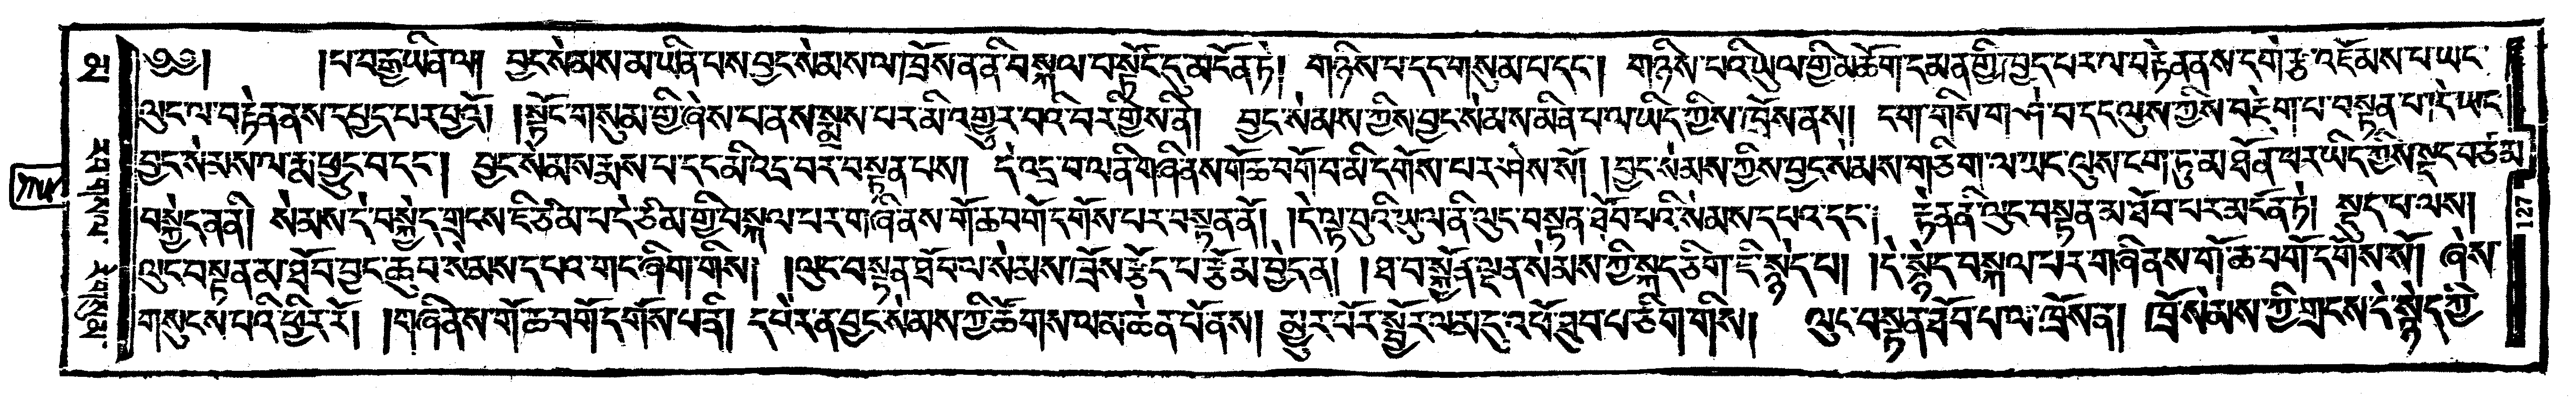༄༅། །པ་བརྒྱ་ཡིན་ལ། བྱང་སེམས་མ་ཡིན་པས་བྱང་སེམས་ལ་ཁྲོས་ན་ནི་བསྐལ་པ་སྟོང་དུ་མངོན་ཏེ། གཉིས་པ་དང་གསུམ་པ་དང་། གཉིས་པའི་ཡུལ་གྱི་མཆོག་དམན་གྱི་ཁྱད་པར་ལ་བརྟེན་ནས་དགེ་རྩ་འཇོམས་པ་ཡང་
ལུང་ལ་བརྟེན་ནས་དཔྱད་པར་བྱའོ། །སྟོང་གསུམ་གྱི་ཞེས་པ་ནས་སྨྲས་པར་མི་འགྱུར་བའི་བར་གྱིས་ནི། བྱང་སེམས་ཀྱིས་བྱང་སེམས་མིན་པ་ལ་ཡིད་ཀྱིས་ཁྲོས་ནས། ངག་གིས་གཤེ་བ་དང་ལུས་ཀྱིས་བརྡེག་པ་བསྟན་པ། དེ་ཡང་
བྱང་སེམས་ལ་རྨ་ཕྱུང་བ་དང་། བྱང་སེམས་རྨས་པ་དང་མི་འདྲ་བར་བསྟན་པས། དེ་འདྲ་བ་ལ་ནི་གཞི་ནས་གོ་ཆ་བགོ་བ་མི་དགོས་པར་ཤེས་སོ། །བྱང་སེམས་ཀྱིས་བྱང་སེམས་གཅིག་ལ་ཡང་ལུས་ངག་ཏུ་མ་ཐོན་པར་ཡིད་ཀྱིས་སྡང་བ་ཙམ་
བསྐྱེད་ན་ནི། སེམས་དེ་བསྐྱེད་གྲངས་ཇི་ཙམ་པ་དེ་ཙམ་གྱི་བསྐལ་པར་གཞི་ནས་གོ་ཆ་བགོ་དགོས་པར་བསྟན་ནོ། །དེ་ལྟ་བུའི་ཡུལ་ནི་ལུང་བསྟན་ཐོབ་པའི་སེམས་དཔའ་དང་། རྟེན་ནི་ལུང་བསྟན་མ་ཐོབ་པར་མངོན་ཏེ། སྡུད་པ་ལས།
ལུང་བསྟན་མ་ཐོབ་བྱང་ཆུབ་སེམས་དཔའ་གང་ཞིག་གིས། །ལུང་བསྟན་ཐོབ་ལ་སེམས་ཁྲོས་རྩོད་པ་རྩོམ་བྱེད་ན། །ཐ་བ་སྐྱོན་ལྡན་སེམས་ཀྱི་སྐད་ཅིག་ཇི་སྙེད་པ། །དེ་སྙེད་བསྐལ་པར་གཞི་ནས་གོ་ཆ་བགོ་དགོས་སོ། ཞེས་
གསུངས་པའི་ཕྱིར་རོ། །གཞི་ནས་གོ་ཆ་བགོ་དགོས་པ་ནི། དཔེར་ན་བྱང་སེམས་ཀྱི་ཚོགས་ལམ་ཆེན་པོ་ནས། མྱུར་པོར་སྦྱོར་ལམ་དུ་འཕོ་ཐུབ་པ་ཅིག་གིས། ལུང་བསྟན་ཐོབ་པ་ལ་ཁྲོས་ན། ཁྲོ་སེམས་ཀྱི་གྲངས་དེ་སྙེད་ཀྱི་